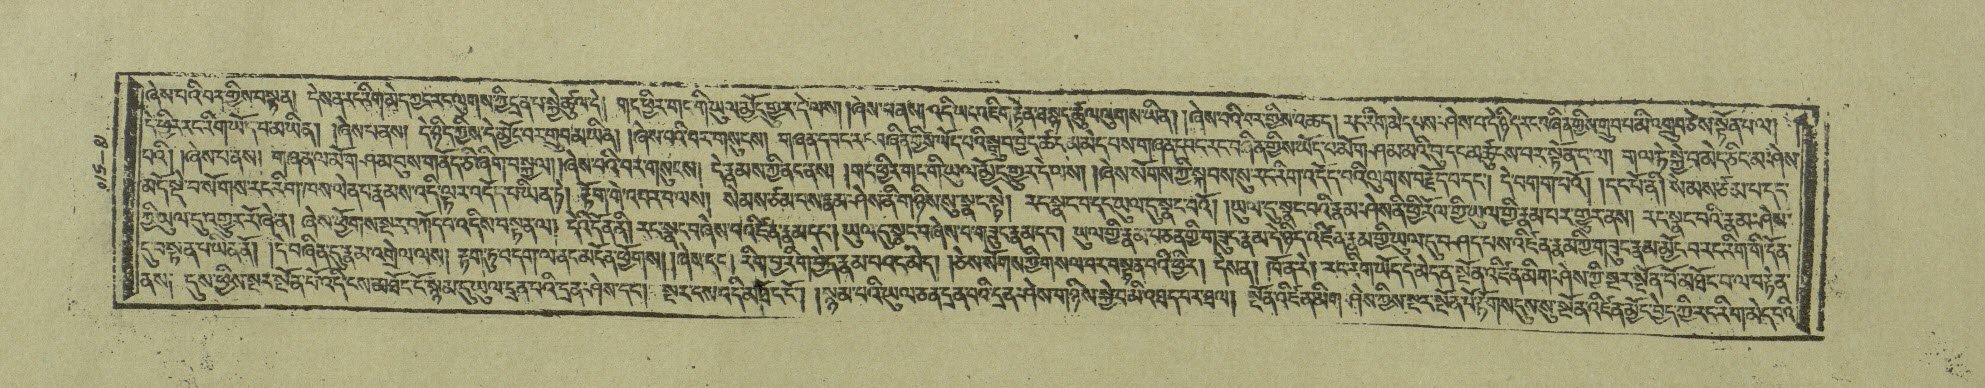ཞེས་པའི་བར་གྱིས་བསྟན། དེས་ན་རང་རིག་མེད་ཀྱང་རང་ལུགས་ཀྱི་དྲན་པ་སྐྱེ་ཚུལ་དེ། གང་ཕྱིར་གང་གི་ཡུལ་མྱོང་གྱུར་དེ་ལས། །ཞེས་པ་ནས། འདི་ཡང་འཇིག་རྟེན་ཐ་སྙད་ཚུལ་ལུགས་ཡིན། །ཞེས་པའི་བར་གྱིས་འཆད། རང་རིག་མེད་པས་ཤེས་པ་དེ་ཉིད་རང་བཞིན་གྱིས་གྲུབ་པ་མི་འགྲུབ་ཅེས་སྟོན་པ་ལ། །
དེ་ཕྱིར་རང་རིག་ཡོད་པ་མ་ཡིན། །ཞེས་པ་ནས། དེ་ཉིད་ཀྱིས་དེ་མྱོང་བར་གྲུབ་མ་ཡིན། །ཞེས་པའི་བར་གསུངས། གཞན་དབང་རང་བཞིན་གྱིས་ཡོད་པའི་སྒྲུབ་བྱེད་ཚད་མ་མེད་པས་གཞན་དབང་རང་བཞིན་གྱིས་ཡོད་པ་མོ་གཤམ་མའི་བུ་དང་མཚུངས་པར་སྟོན་པ་ལ། གལ་ཏེ་སྐྱེ་བ་མེད་ཅིང་མ་ཤེས་
པའི། །ཞེས་པ་ནས། གཞན་ལ་མོ་གཤམ་བུས་གནོད་ཅི་ཞིག་བསྐྱལ། །ཞེས་པའི་བར་གསུངས། དེ་རྣམས་ཀྱི་ནང་ནས། །གང་ཕྱིར་གང་གི་ཡུལ་མྱོང་གྱུར་དེ་ལས། །ཞེས་སོགས་ཀྱིས་སྐབས་སུ་རང་རིག་འདོད་པའི་ལུགས་བརྗོད་པ་དང་། དེ་བགག་པའོ། །དང་པོ་ནི། སེམས་ཙམ་པ་དང་
མདོ་སྡེ་བ་སོགས་རང་རིག་ཁས་ལེན་པ་རྣམས་འདི་ལྟར་འདོད་པ་ཡིན་ཏེ། རྟོག་གེ་འབར་བ་ལས། སེམས་ཙམ་པས་རྣམ་ཤེས་ནི་གཉིས་སུ་སྣང་སྟེ། རང་སྣང་བ་དང་ཡུལ་དུ་སྣང་བའོ། །ཡུལ་དུ་སྣང་བའི་རྣམ་ཤེས་ནི་ཕྱི་རོལ་གྱི་ཡུལ་གྱི་རྣམ་པར་གྱུར་ནས། རང་སྣང་བའི་རྣམ་ཤེས་
ཀྱི་ཡུལ་དུ་འགྱུར་རོ་ཞེ་ན། ཞེས་ཕྱོགས་སྔར་བཀོད་པ་འདིས་བསྟན་ལ། དེའི་དོན་ནི། རང་སྣང་བ་ཞེས་པ་འཛིན་རྣམ་དང་། ཡུལ་དུ་སྣང་བ་ཞེས་པ་གཟུང་རྣམ་དང་། ཡུལ་གྱི་རྣམ་པ་ཅན་གྱི་གཟུང་རྣམ་དེ་ཉིད་འཛིན་རྣམ་གྱི་ཡུལ་དུ་བཤད་པས་འཛིན་རྣམ་ཀྱི་གཟུང་རྣམ་མྱོང་བ་རང་རིག་གི་དོན་
དུ་བསྟན་པ་ཡིན་ནོ། །དེ་བཞིན་དུ་རྣམ་འགྲེལ་ལས། རྟག་ཏུ་བདག་ལ་ནང་མངོན་ཕྱོགས། །ཞེས་དང་། རིག་བྱ་རིག་བྱེད་རྣམ་པའང་མེད། །ཅེས་སོགས་ཀྱི་གསལ་བར་བསྟན་པའི་ཕྱིར། དེས་ན། ཁོ་ན་རེ། རང་རིག་ཡོད་དེ་མེད་ན་སྔོན་འཛིན་མིག་ཤེས་ཀྱི་སྔར་སྔོན་པོ་མཐོང་བ་ལ་བརྟེན་
ནས། དུས་ཕྱིས་སྔར་སྔོན་པོ་འདི་ངས་མཐོང་ངོ་སྙམ་དུ་ཡུལ་དྲན་པའི་དྲན་ཤེས་དང་། སྔར་ངས་འདི་མཐོང་ངོ། །སྙམ་པའི་ཡུལ་ཅན་དྲན་པའི་དྲན་ཤེས་གཉིས་སྐྱེ་བ་མི་འཐད་པར་ཐལ། སྔོན་འཛིན་མིག་ཤེས་ཀྱིས་སྔར་སྔོན་པོ་རྟོགས་དུས་སུ་སྔོན་འཛིན་མྱོང་བྱེད་ཀྱི་རང་རིག་མེད་པའི་